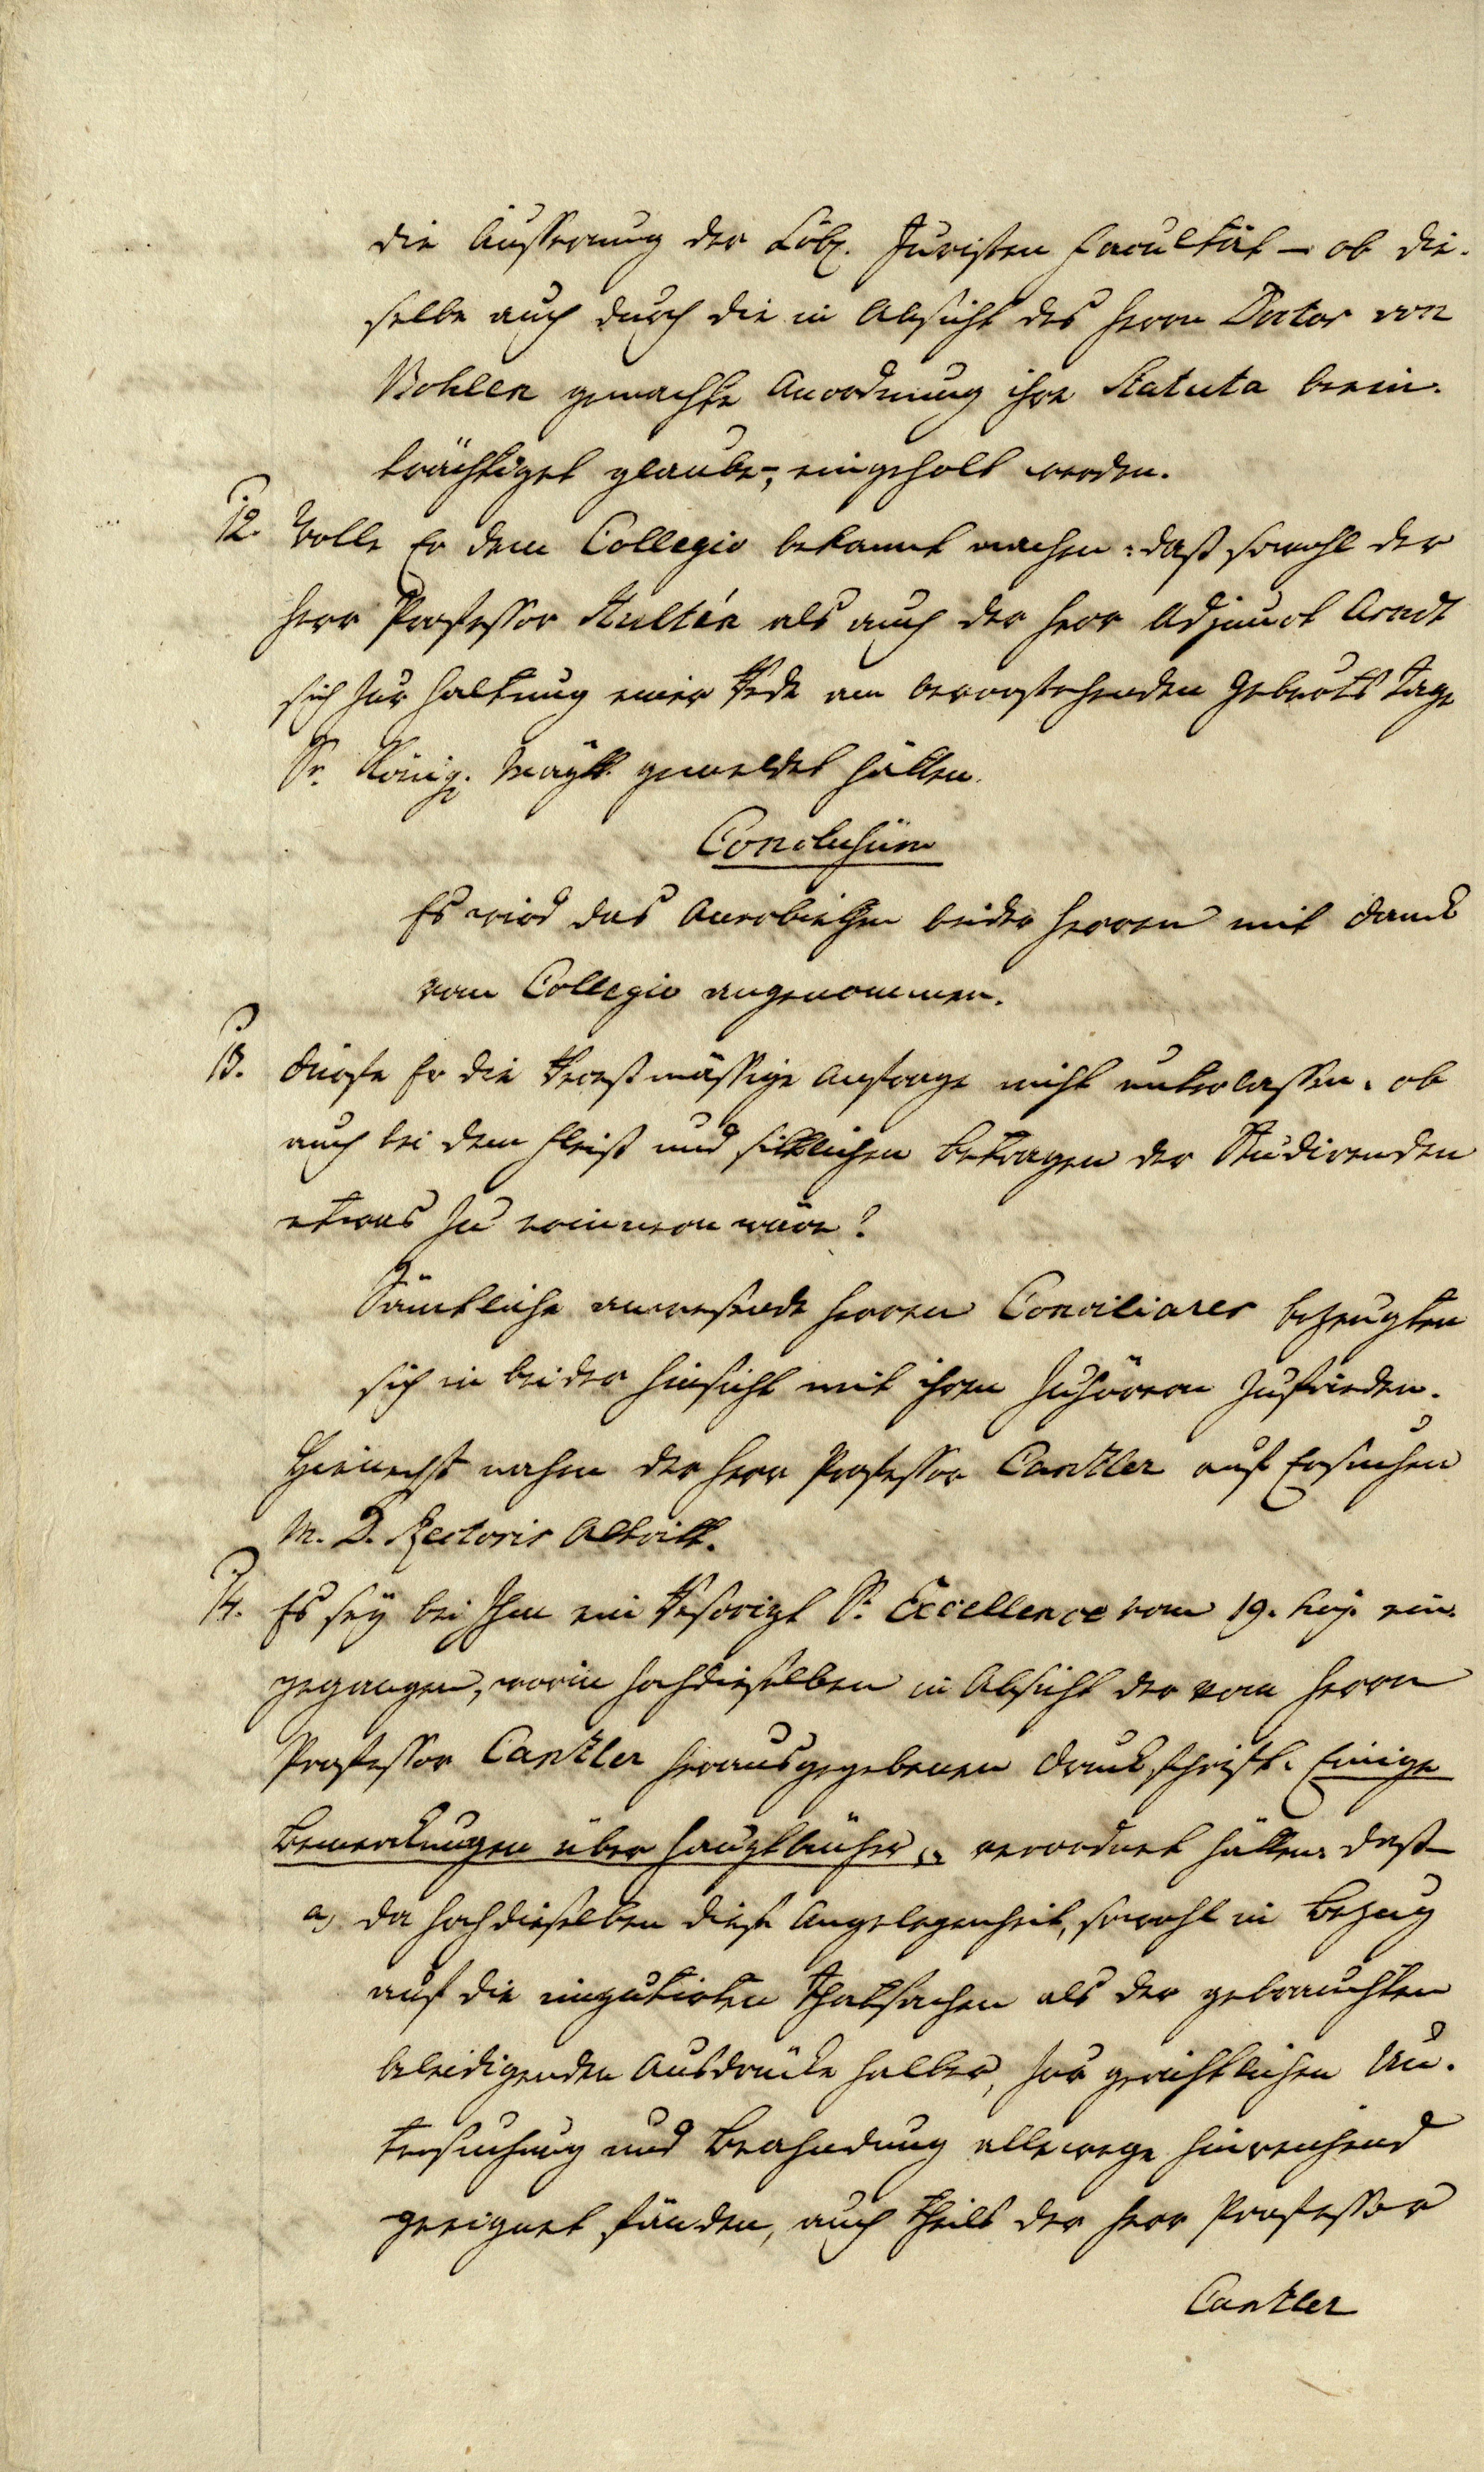die Äusserung der Löbl. Juristen Facultät ob die¬
selbe auch durch die in Absicht des Herrn Doctor von
Bohlen gemachte Anordnung ihre Statuta beein¬
trächtiget glaube, eingeholt werden.
12. Wolle Er dem Collegio bekannt machen daß sowohl der
Herr Professor Hultén als auch der Herr Adjunct Arndt
sich zur Haltung einer Rede am bevorstehenden Geburts Tage
Sr. Königl. Maÿtt. gemeldet hätten.
Conclusum
Es wird das Anerbiethen beider Herren mit Danck
vom Collegio angenommen.
13. Dürfe Er die Receßmässige Anfrage nicht unterlassen: ob
auch bei dem Fleiß und sittlichen Betragen der Studirenden
etwas zu erinnern wäre?
Sämtliche anwesende Herren Conciliares bezeugten
sich in beider Hinsicht mit ihren Zuhörern zufrieden.
Hienechst nahm der Herr Professor Canzler auf Ersuchen
M. D. Rectoris Abtritt.
14. Es seÿ bei ihm ein Rescript Sr Excellence vom 19. huj. ein¬
gegangen, worin Hochdieselben in Absicht der vom Herrn
Professor Canzler herausgegebenen Druckschrift: Einige
Bemerkungen über Hauptbücher verordnet hätten, daß
a, da Hochdieselben diese Angelegenheit, sowohl in Bezug
auf die imgutirten Thatsachen als der gebrauchten
beleidigenden Ausdrücke halber, zur gerichtlichen Un¬
tersuchung und Beahndung allewege hinreichend
geeignet fänden, auch theils der Herr Professor
Canzler